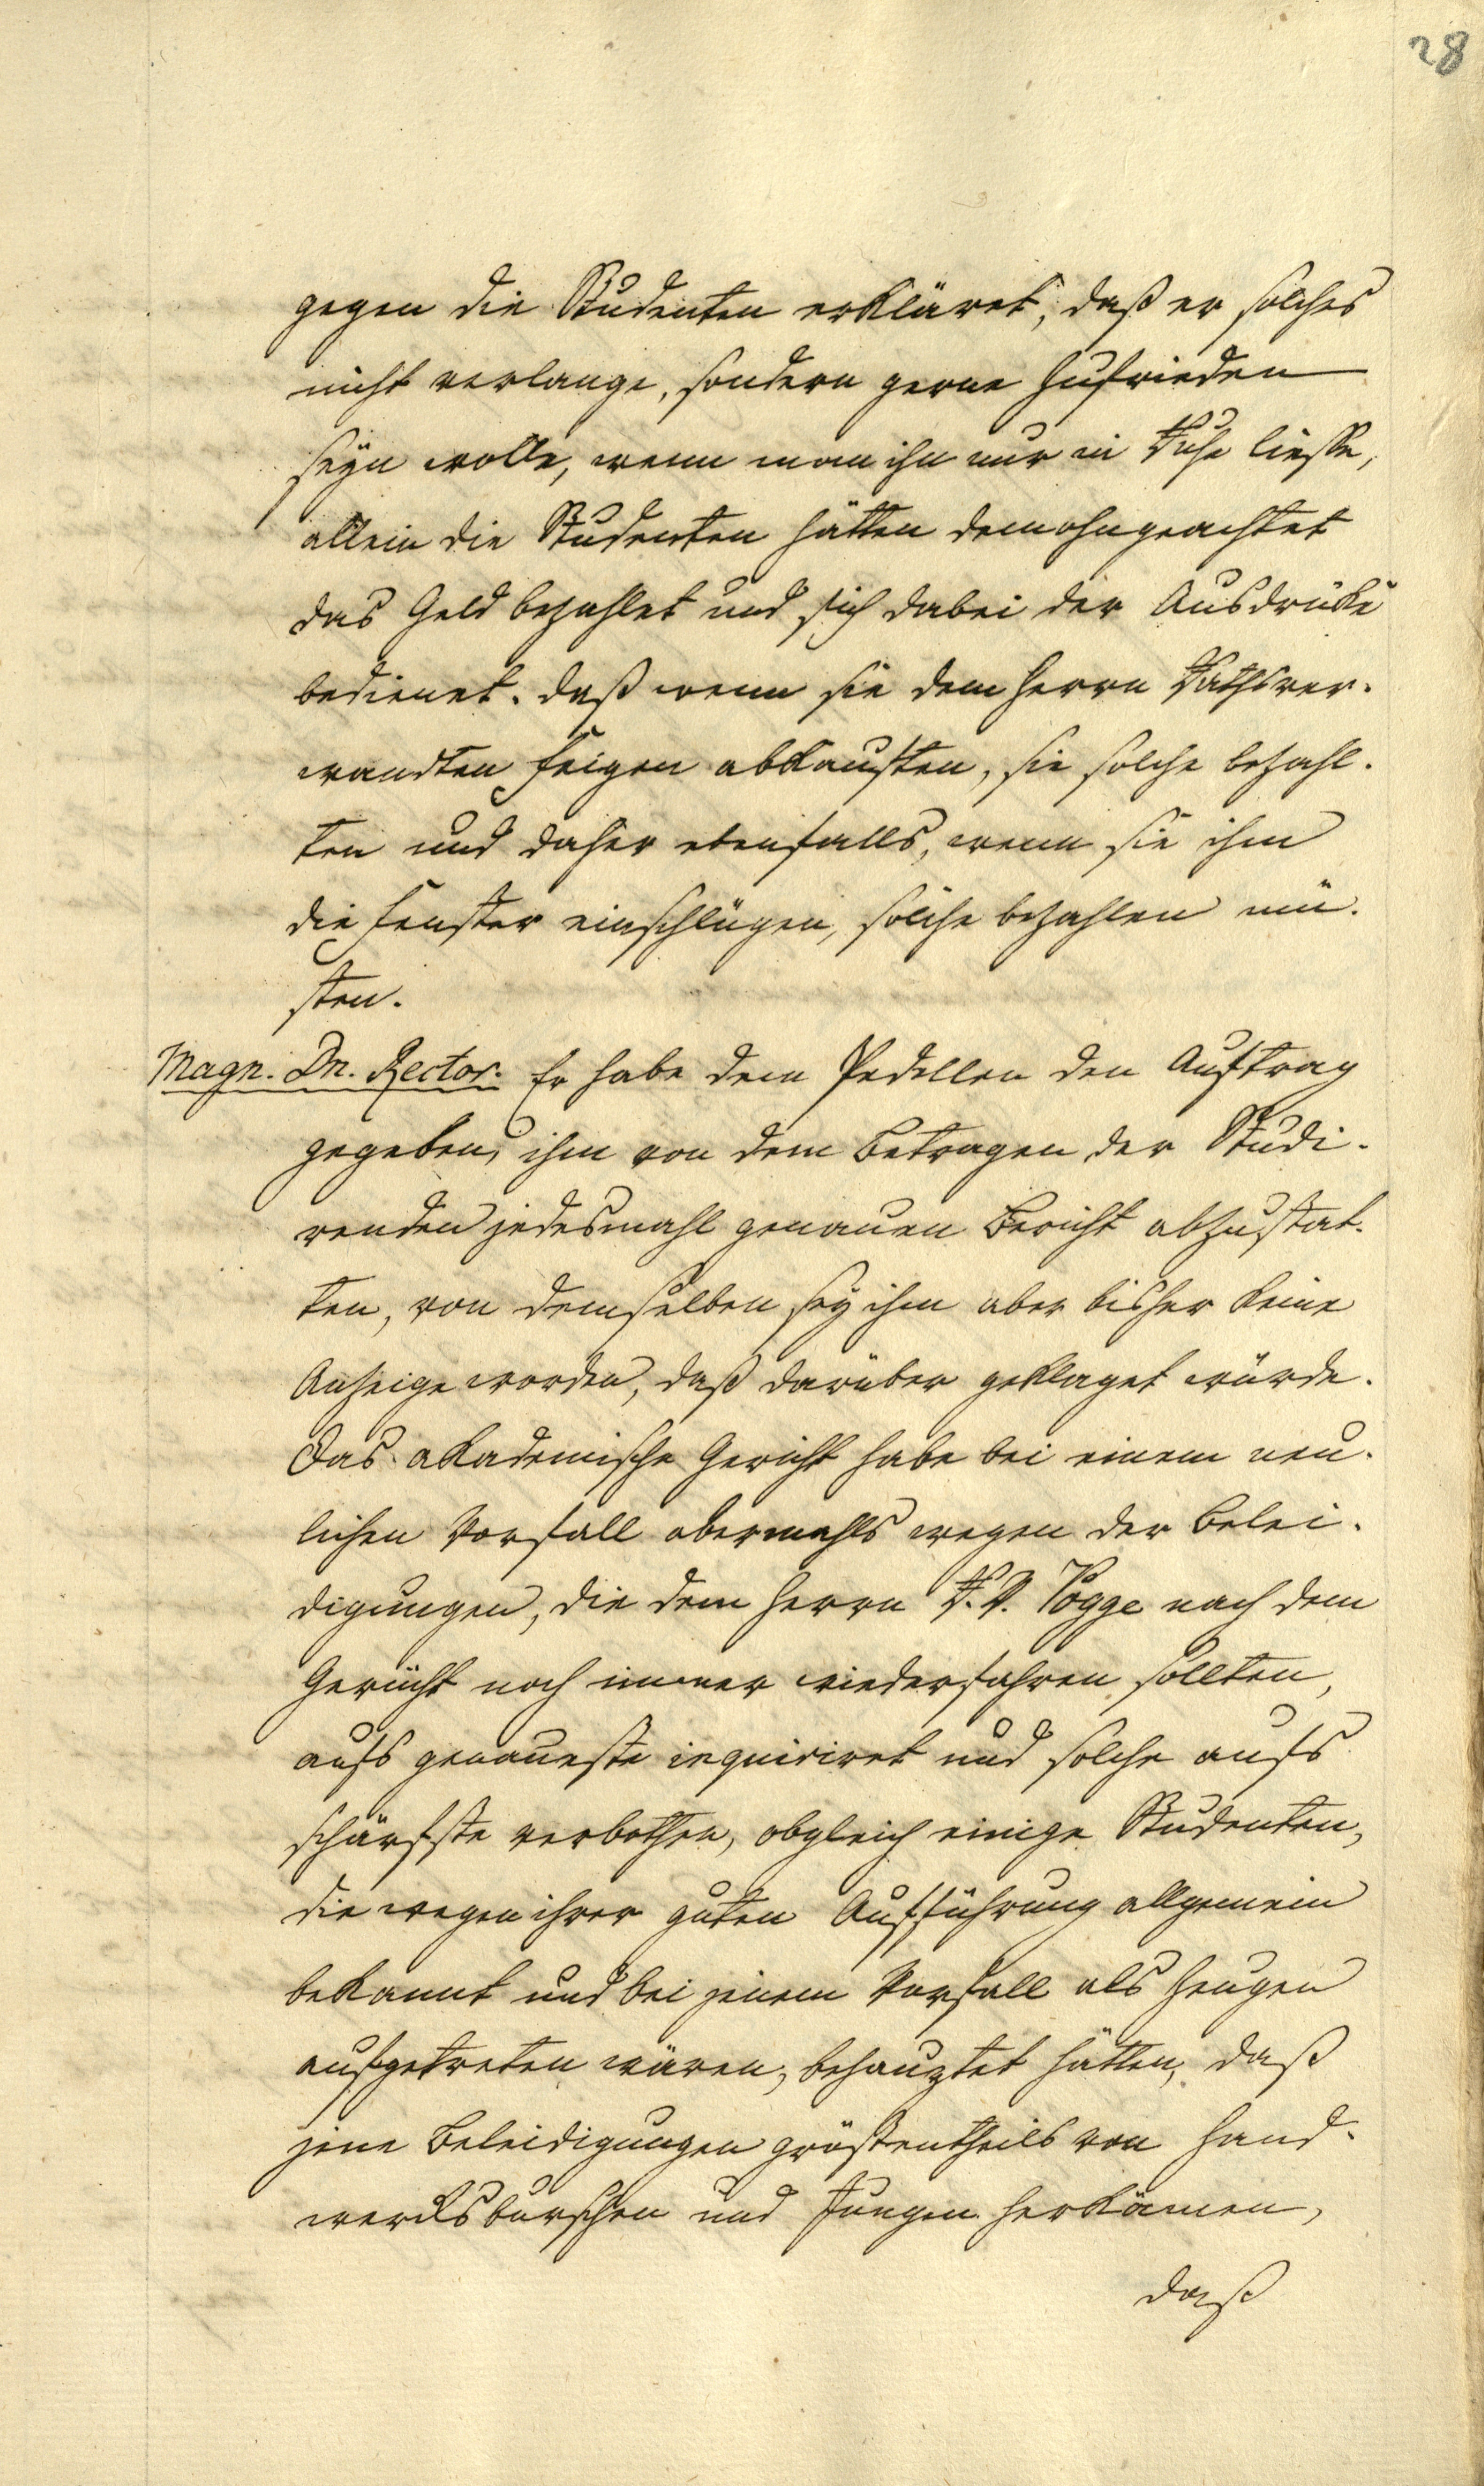gegen die Studenten erkäret, daß er solches
nicht verlange, sondern gerne zufrieden
seyn wolle, wenn man ihn nur in Ruhe liesse,
allein die Studenten hätten demohngeachtet
das Geld bezahlet und sich dabei der Ausdrücke
bedienet, daß wenn sie dem Herrn Rathsver-
wandten Feigen abkauften, sie solche bezahl-
ten und daher ebenfalls, wenn sie ihm
die Fenster einschlügen, solche bezahlen mü-
sten.
Magn. Dn. Rector. Er habe dem Pedellen den Auftrag
gegeben, ihm von dem Betragen der Studi-
renden jedesmahl genauen Bericht abzustat-
ten, von demselben sey ihm aber bisher keine
Anzeige worden, daß darüber geklaget würde.
Das akademische Gericht habe bei einem neu-
lichen Vorfall abermahls wegen der Belei-
digugnen, die dem Herrn R. V. Pogge nach dem
Gerücht noch immer wiederfahren sollten,
aufs genaueste inquiriret und solche aufs
schärfste verbothen, obgleich einige Studenten,
die wegen ihrer guten Aufführung allgemein
bekannt und bei jenem Vorfall als Zeugen
aufgetreten wären, behauptet hätten, daß
jene Beleidungen größtentehils von Hand-
werksburschen und Jungen herkämen,
daß